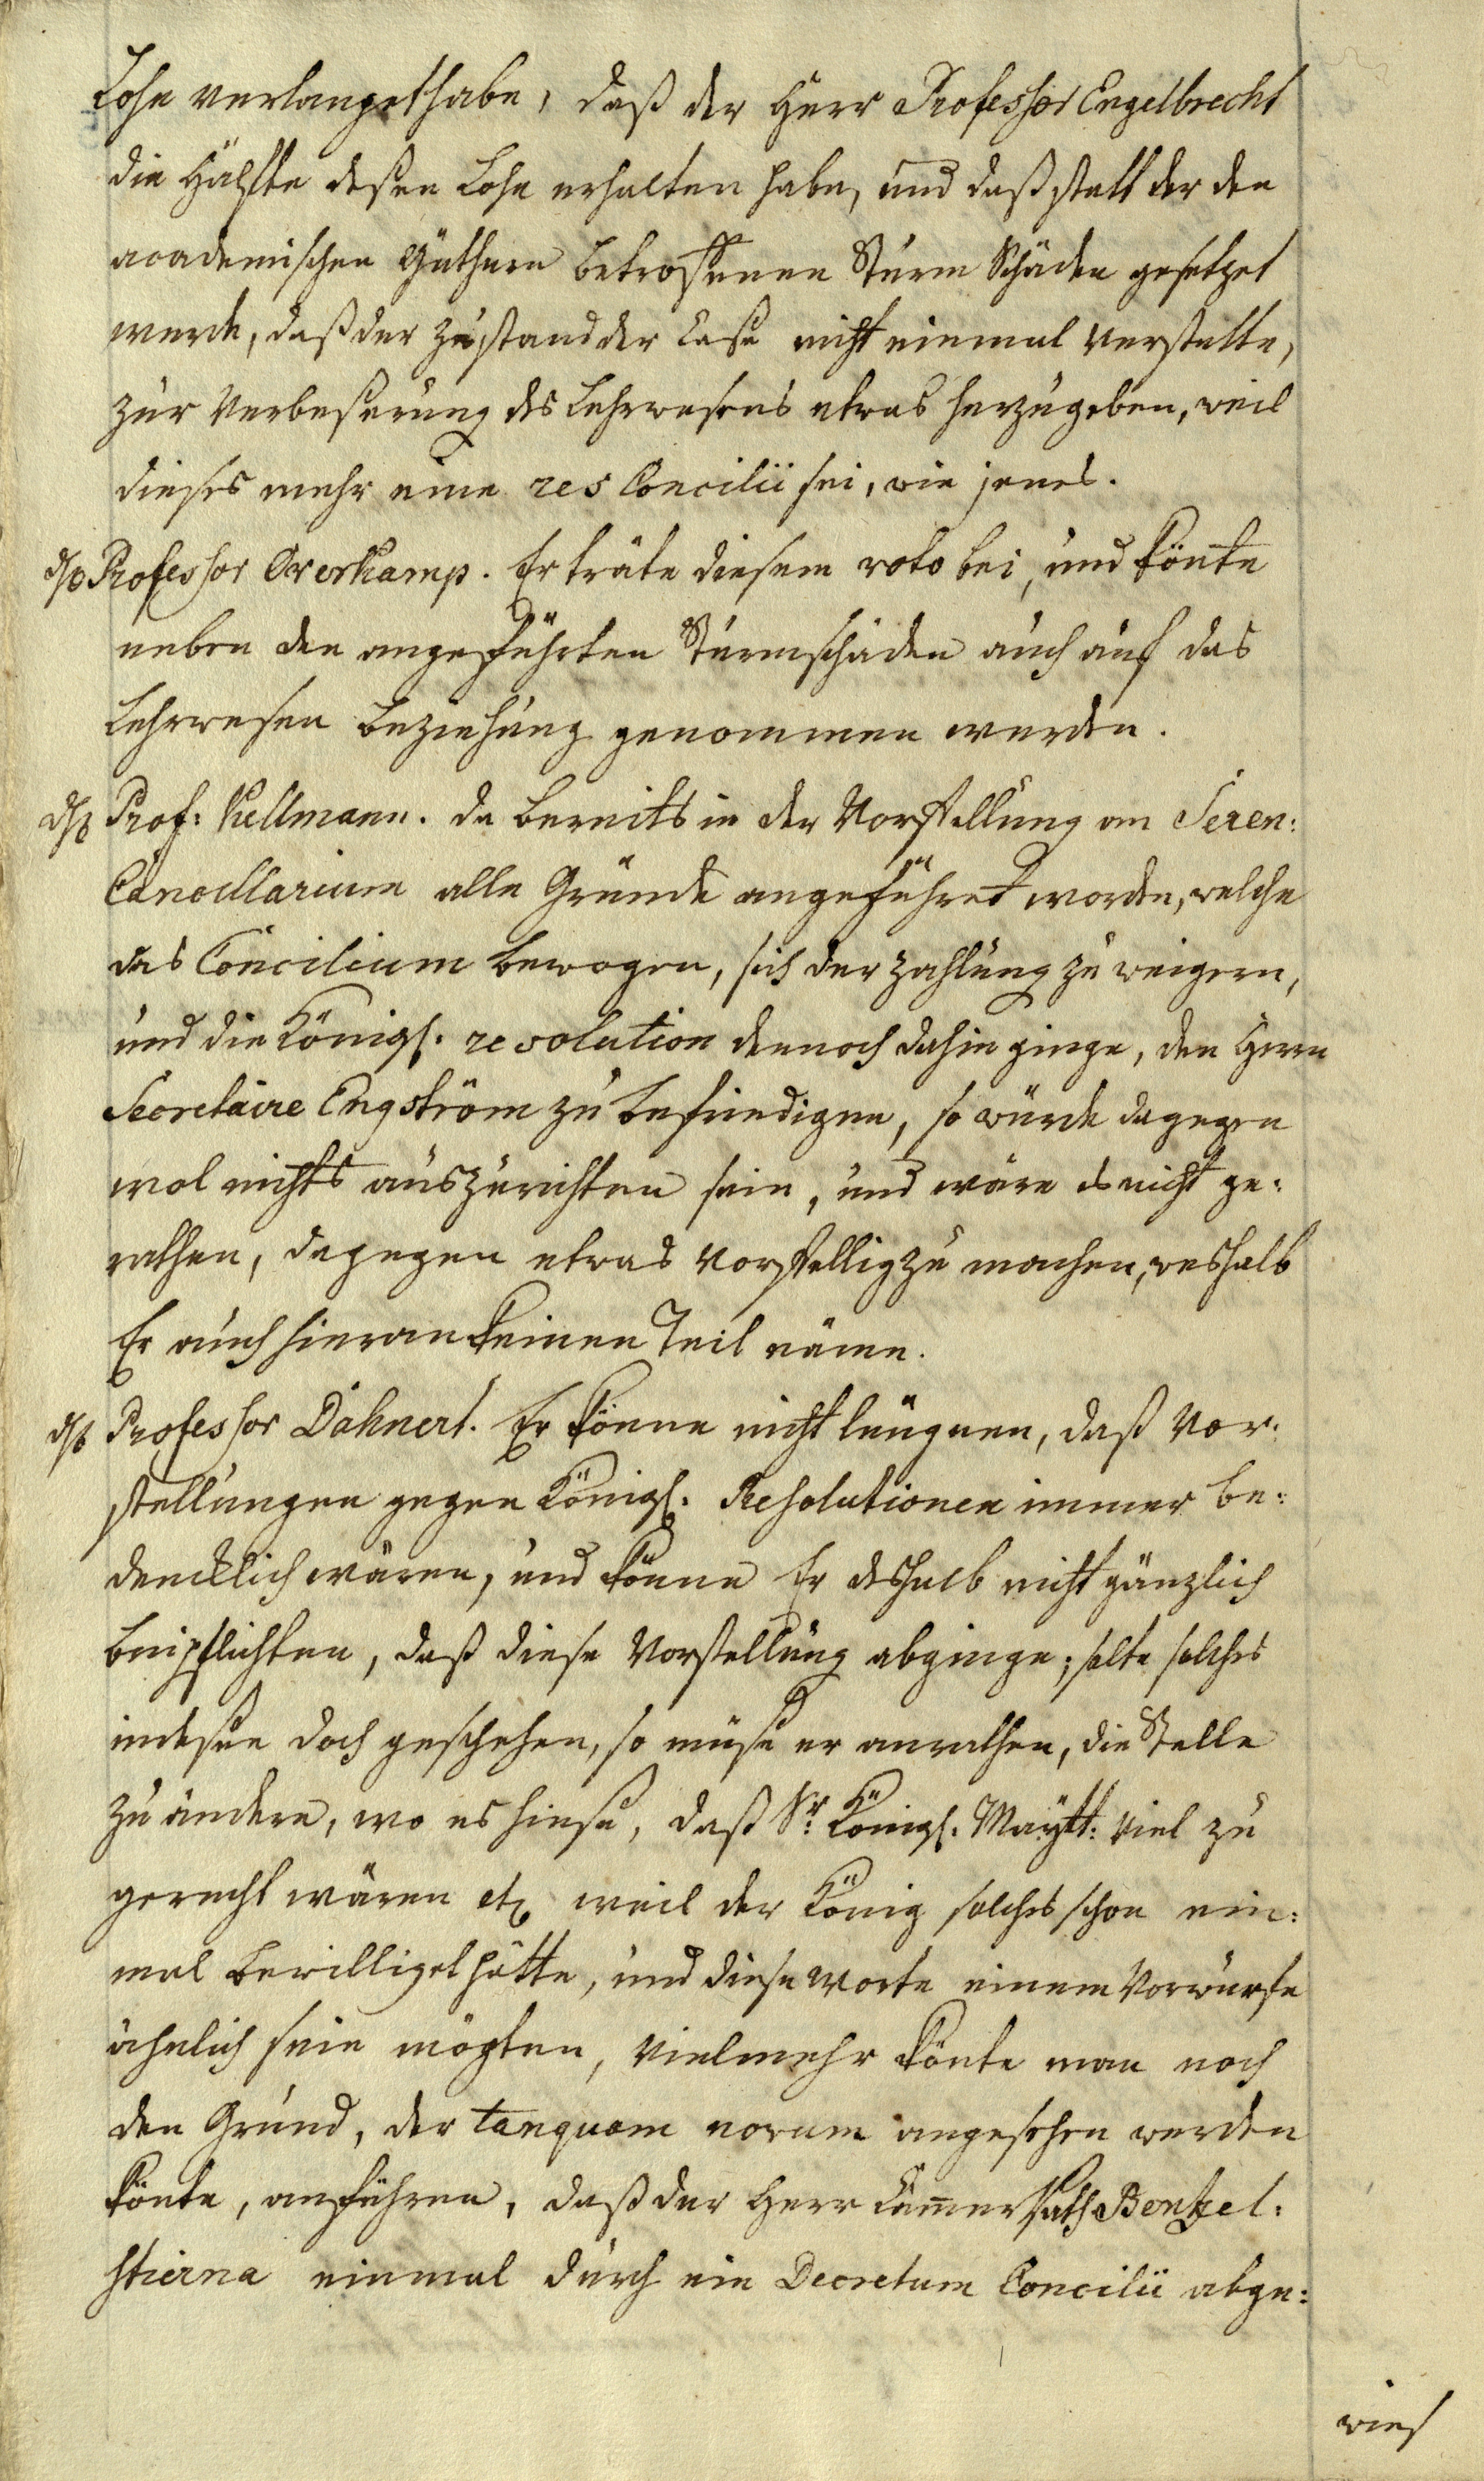Lohn verlanget habe, daß der Herr Professor Engelbrecht
die Hälfte deßen Lohn erhalten habe, und daß statt der den
academischen Güthern betroffenen Sturm Schäden gesetzet
werde, daß der Zustand der Caße nicht einmal verstatte,
zur Verbeßerung des Lehrwesens etwas herzugeben, weil
dieses mehr eine res Concilii sei, wie jenes.
dh Professor Overkamp. Er träte diesem voto bei, und könte
neben den angeführten Sturmschäden auch auf das
Lehrwesen Beziehung genommen werden.
dh Prof: Kellmann. da bereits in der Vorstellung an Seren:
Cancellarium alle Gründe angeführet worden, welche
das Concilium bewogen, sich der Zahlung zu weigern,
und die Königl: resolution dennoch dahin ginge, den Herrn
Secretaire Engström zu befriedigen, so würde dagegen
wol nichts auszurichten sein, und wäre es nicht ge¬
rathen, dagegen etwas vorstellig zu machen, weshalb
Er auch hieran keinen Teil näme.
dh Professor Dähnert. Er könne nicht leugnen, daß Vor¬
stellungen gegen Königl: Resolutionen immer be¬
dencklich wären, und könne Er deshalb nicht gänzlich
beipflichten, daß diese Vorstellung abginge, solte solches
indeßen doch geschehen, so müße er anrathen, die Stelle
zu ändern, wo es hieße, daß Sr: Königl: Maÿst: viel zu
gerecht wären et. weil der König solches schon ein¬
mal bewilliget hätte, und diese Worte einem Vorwurfe
ähnlich sein mögten, vielmehr könte man noch
den Grund, der tanquam novum angesehen werden
könte, anführen, daß der Herr CamerRath Bentzel¬
stierna einmal durch ein Decretum Concilii abge¬
wies